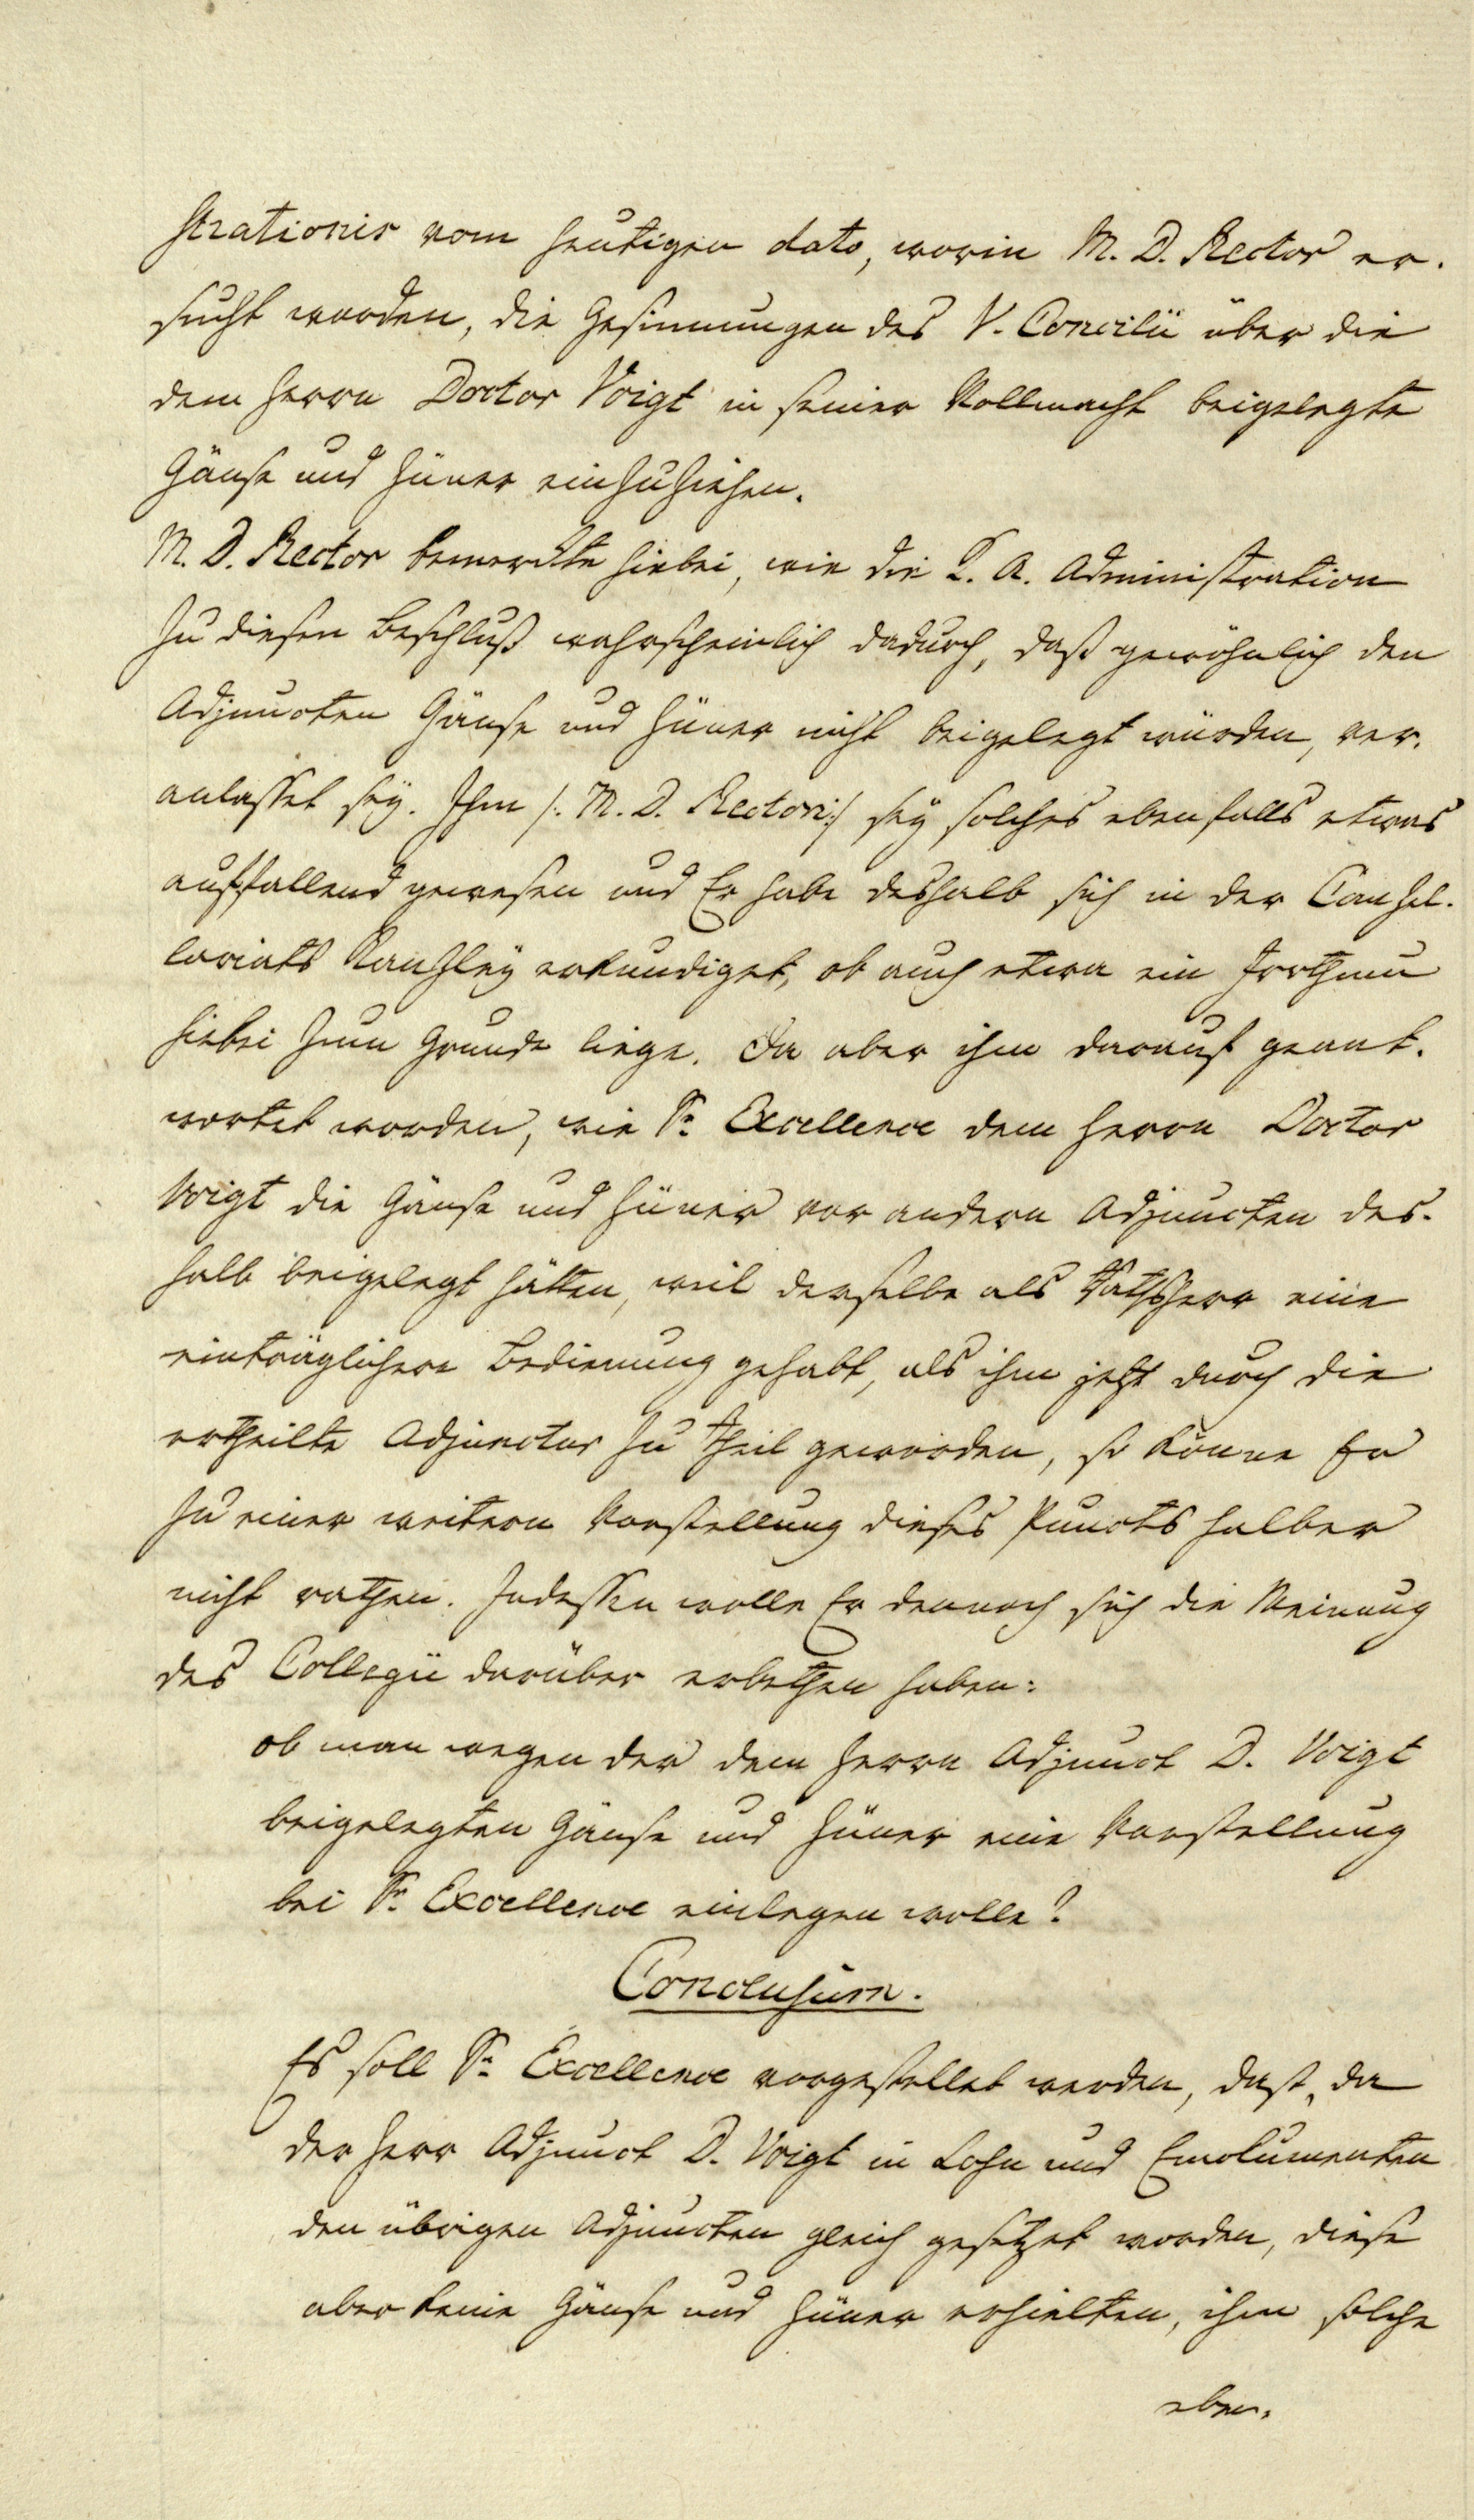strationis vom heutigen dato, worin M. D. Rector er¬
sucht worden, die Gesinnungen des V. Concilii über die
dem herrn Doctor Voigt in seiner Vollmacht beigelegte
Gänse und Hüner einzuziehen.
M. D. Rector bemerckte hiebei, wie die K. A. Administration
zu diesem Beschluß wahrscheinlich dadurch, daß gewöhnlich den
Adjuncten Gänse und Hüner nicht beigelegt würden, ver¬
anlasset seÿ. Ihm / M. D. Rectori / seÿ solches ebenfalls etwas
auffallend gewesen und Er habe deshalb sich in der Canzel¬
lariats Kanzleÿ erkundiget, ob auch etwa ein Irrthum
hiebei zum Grunde liege. Da aber ihm darauf geant¬
wortet worden, wie Sr. Excellence dem herrn Doctor
Voigt die Gänse und Hüner vor andern Adjuncten des¬
halb beigelegt hätten, weil derselbe als Rathsherr eine
einträglichere Bedienung gehabt, als ihm jetzt durch die
ertheilte Adjunctur zu zu Theil geworden, so könne Er
zu einer weiteren Vorstellung dieses Puncts halber
nicht rathen. Indessen wolle Er dennoch sich die Meinung
des Collegii darüber erbethen haben:
ob man wegen der dem herrn Adjunct D. Voigt
beigelegten Gänse und Hüner eine Vorstellung
bei Sr. Excellence einlegen wolle!
Conclusum
Es soll Sr. Excellence vorgestellet werden, daß, da
der herr Adjunct D. Voigt in Lohn und Emolumenten
den übrigen Adjuncten gleich gesetzet worden, diese
aber keine Gänse und Hüner erhielten, ihm solche
eben.